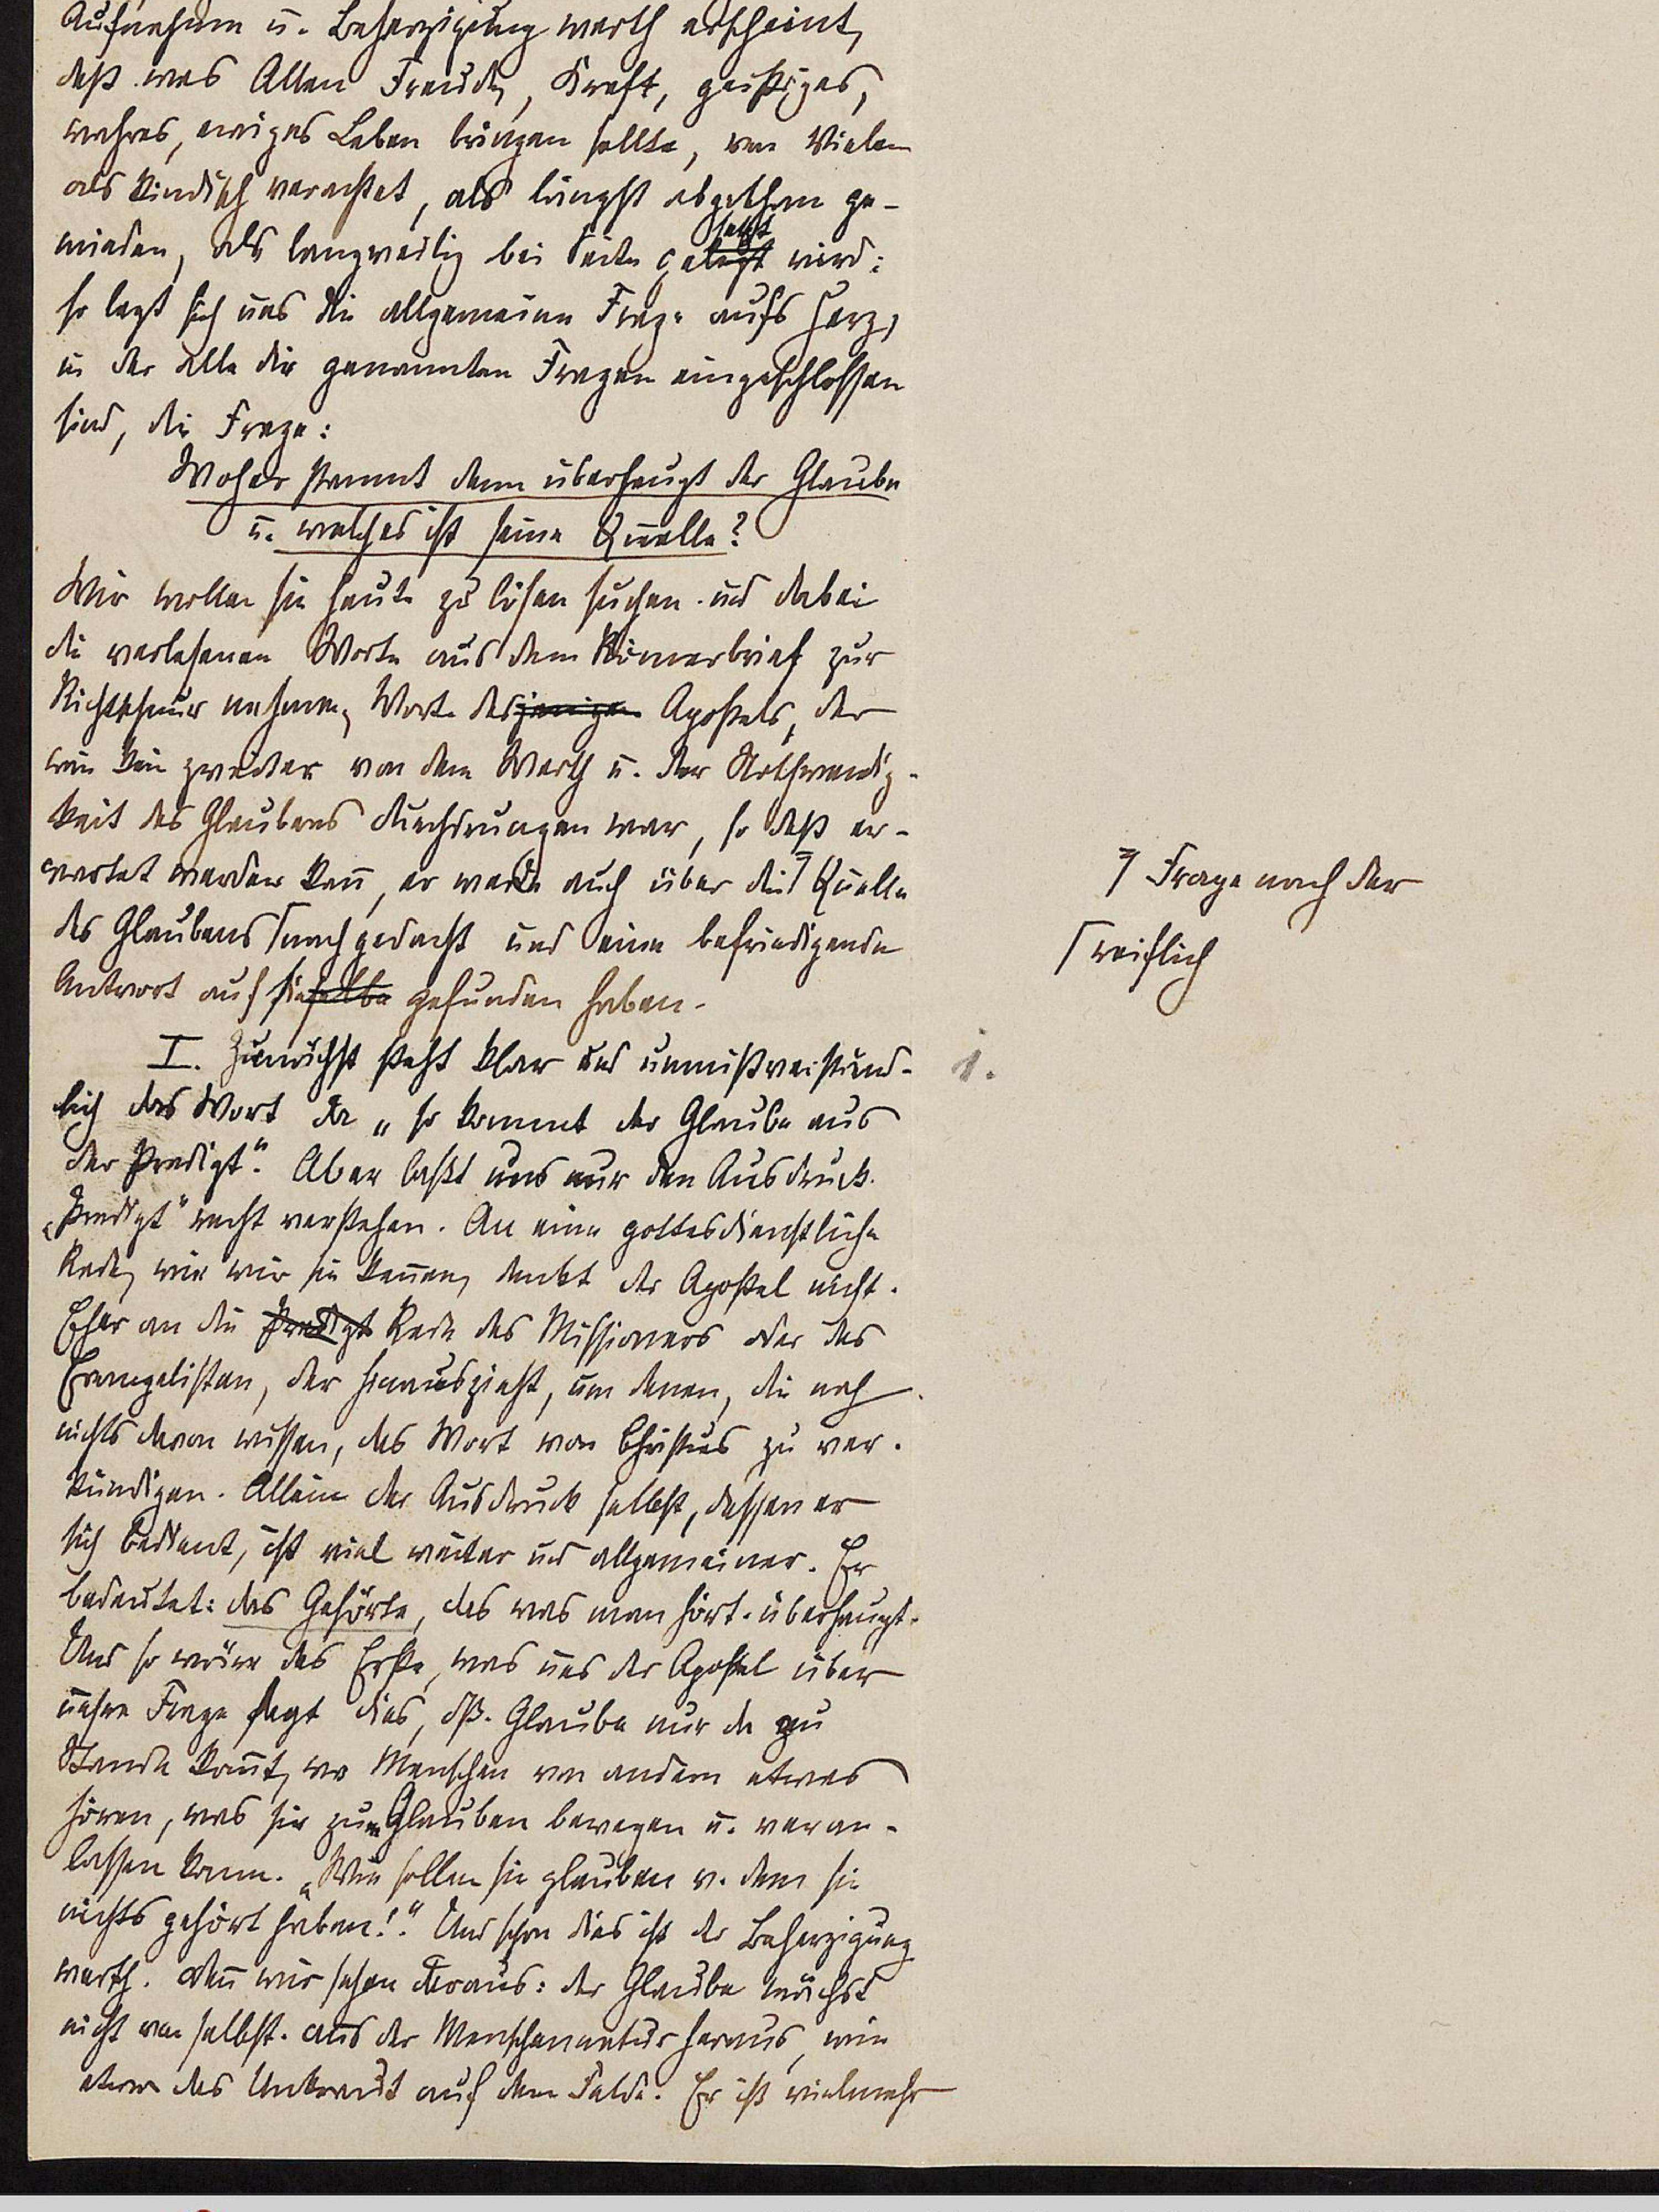Aufnehmen u. Beherzigung werth erscheint,
daß was Allen Freude, Kraft, geistiges,
wahres, ewiges Leben bringen sollte, von Vielen
als kindisch verachtet, als längst abgethan ge¬
setzt
mieden, als langweilig bei Seite gelegt wird:
so legt sich uns die allgemeine Frage aufs Herz,
in der alle die genannten Fragen eingeschlossen
sind, die Frage:
Woher stammt denn überhaupt der Glaube
u. welches ist seine Quelle?
Wir wollen sie heute zu lösen suchen und dabei
die verlesenen Worte aus dem Römerbrief zur
Richtschnur nehmen, Wort desjenigen Apostels, der
wie kein zweiter von dem Werth u. der Nothwendig¬
keit des Glaubens durchdrungen war, so daß er¬
wartet werden kan, er werde auch über die] Quelle
des Glaubens [ nachgedacht und eine befriedigenden
Antwort auf sieselbe gefunden haben.
I. Zunächst steht klar und unmißverständ¬
sich das Wort da "so kommt der Glaube aus
der Predigt." Aber laßt uns nur den Ausdruck
"Predigt" recht verstehen. An eine gottesdienstliche
Rede, wie wir sie kenen, denkt der Apostel nicht.
Eher an die Predigt Rede des Missionars oder des
Evangelisten, der hinauszieht, um denen, die noch
nichts davon wissen, das Wort von Christus zu ver¬
kündigen. Allein der Ausdruck selbst, dessen er
sich bedient, ist viel weiter und allgemeiner. Er
bedeutet: das Gehörte, das was man hört. überhaupt.
Und so wäre das Erste, was uns der Agoel über
unsre Frage sagt dies, daß Glaube nur da zu
Stande kommt, wo Menschen von andern etwas
Hören, was sie zum Glauben bewegen u. veran¬
lassen kann. Wie sollen sie glauben v. dem sie
nichts gehört haben!" Und schon das ist der Beherzigung,
Wert. Den wir sehen daraus: der Glaube wächst
nicht von selbst aus der Menschennatur heraus, wie
etwa das Unkraut auf dem Felde! Er ist vielmehr
1.
] Frage nach der
[ reiflich